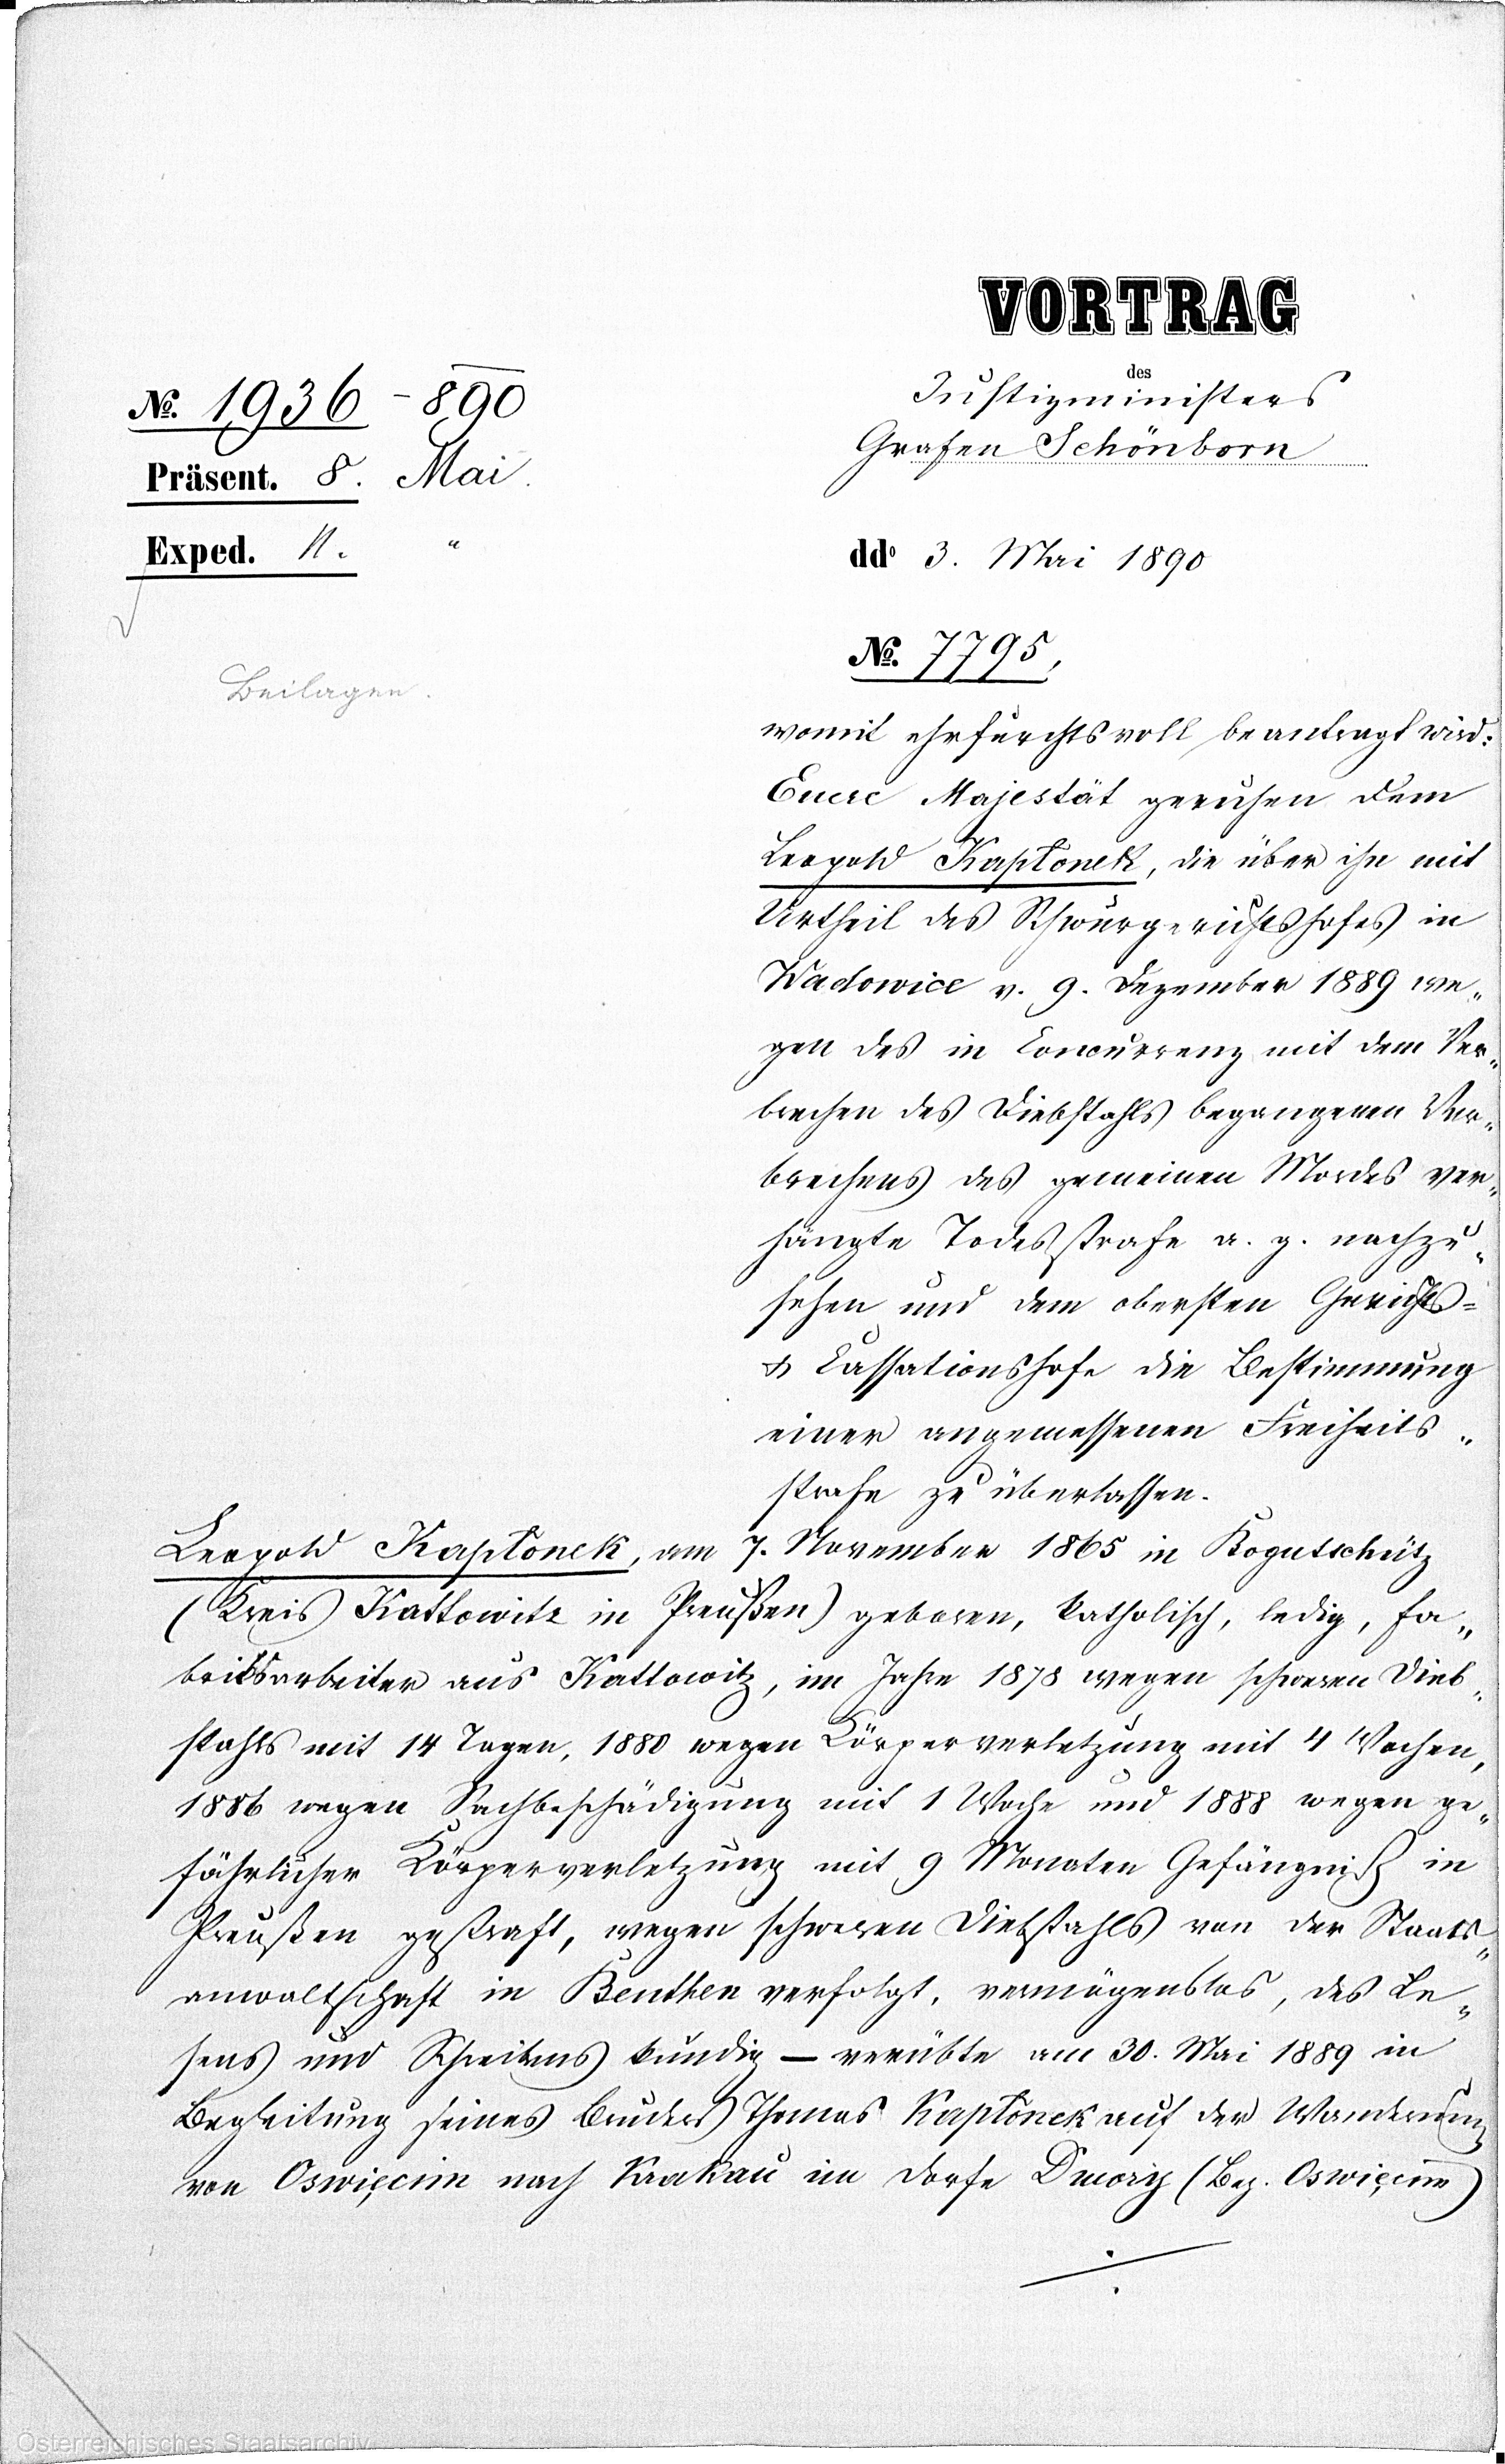VORTRAG
des
Justizministers
Grafen Schönborn
dd° 3. Mai 1890
N° 7795,
womit ehrfurchtsvoll beantragt wird:
Euere Majestät geruhen dem
Leopold Kaptoxxk, die über ihr mit
Urtheil des Schwurgerichshofes in
Wadowice v. 9. Dezember 1889 we¬
gen des in Concurrenz mit dem Ver
brechen des Diebstahls begangenen Ver¬
brechens des gemeinen Mordes ver¬
hängte Todesstrafe a. g. nachzu¬
sehen und dem obersten Gerichts¬
xx Cassatonshofe die Bestimmung
einer angemessenen Freiheits¬
strafe zu überlassen.
Leopold Kaptonck, am 7. November 1865 in Bogutschütz
(Kreis Kattowitz in Preußen) geboren, katholisch, ledig, fa¬
briksarbeiter aus Kattowitz, im Jahre 1878 wegen schweren Viel¬
stahls mit 14 Tagen, 1880 wegen Körperverletzung mit 4 Wochen,
1886 wegen Sachbeschädigung mit 1 Woche und 1888 wegen ge¬
fährlicher Körperverletzung mit 9 Monaten Gefängniß in
Preußen gestraft, wegen schweren Diebstahls von der Staats¬
anwaltschaft in Benthen verfolgt, vermögenstes, des Le¬
sens und Schreibens kundig – verübte am 30. Mai 1889 in
Begleitung seines Bruders Thomas Kaptonek auf der Wanderung
von Oswixxcim nach Krakau im Dorfe Dmoxx (Bez. Oswixxcim)
N° 1936 - 890
Präsent. 8. Mai
Exped. 11 Mai
Beilagen.